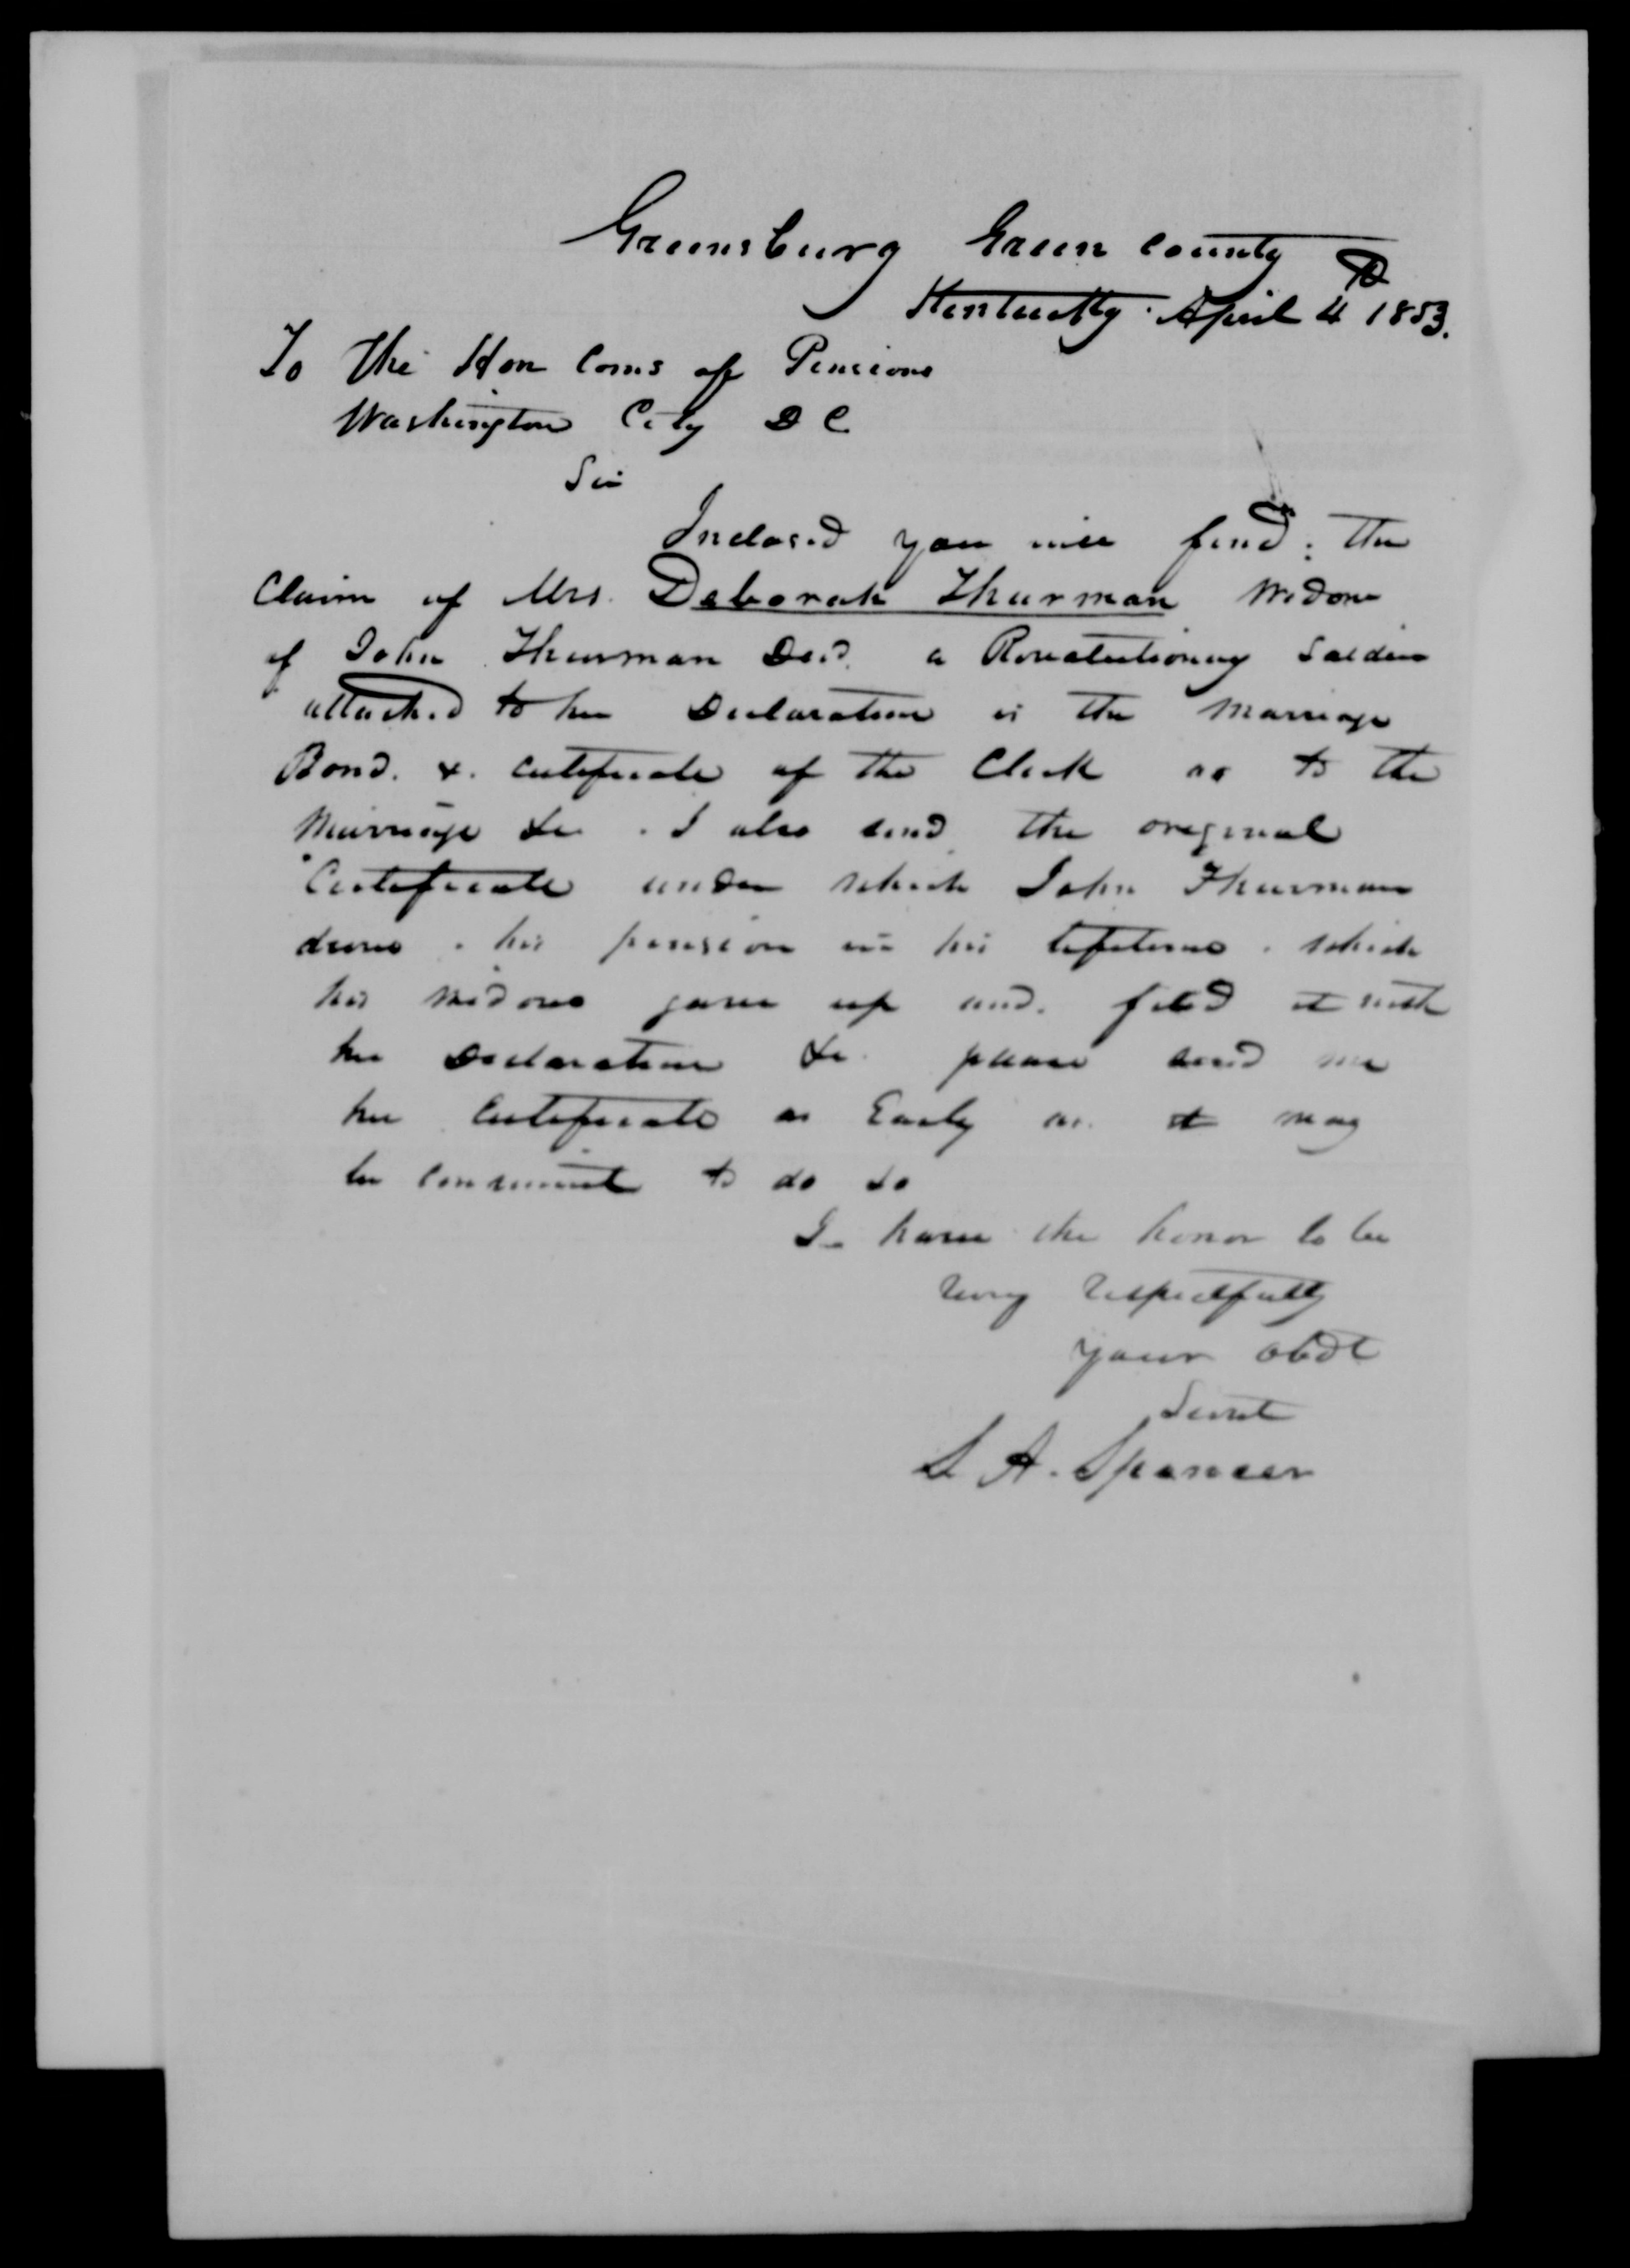Greensburg Green County Kentucky  April 4 1853. To the Hon Coms of Pensions Washington City, D C  Sir Inclosed you will find the claim of Mrs. Deborah Thurman ( underscored ) widow of John Thurman  dec'd  a Revolutionary Soldier attached to her Declaration is the Marriage Bond & certificate of the Clerk as to the marriage etc.  I also send the original Certificate under which   John Thurman drew his pension in his lifetime which his widow gave up and filed it with his Declaration etc., Please send me her certificate as early as it may be convenient to do so. I have the honor to be very respectfully your obdt Servt S. A. Spencer ( signed )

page: 36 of 53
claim: widow's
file: W. 6,267, for John Thurman, Georgia